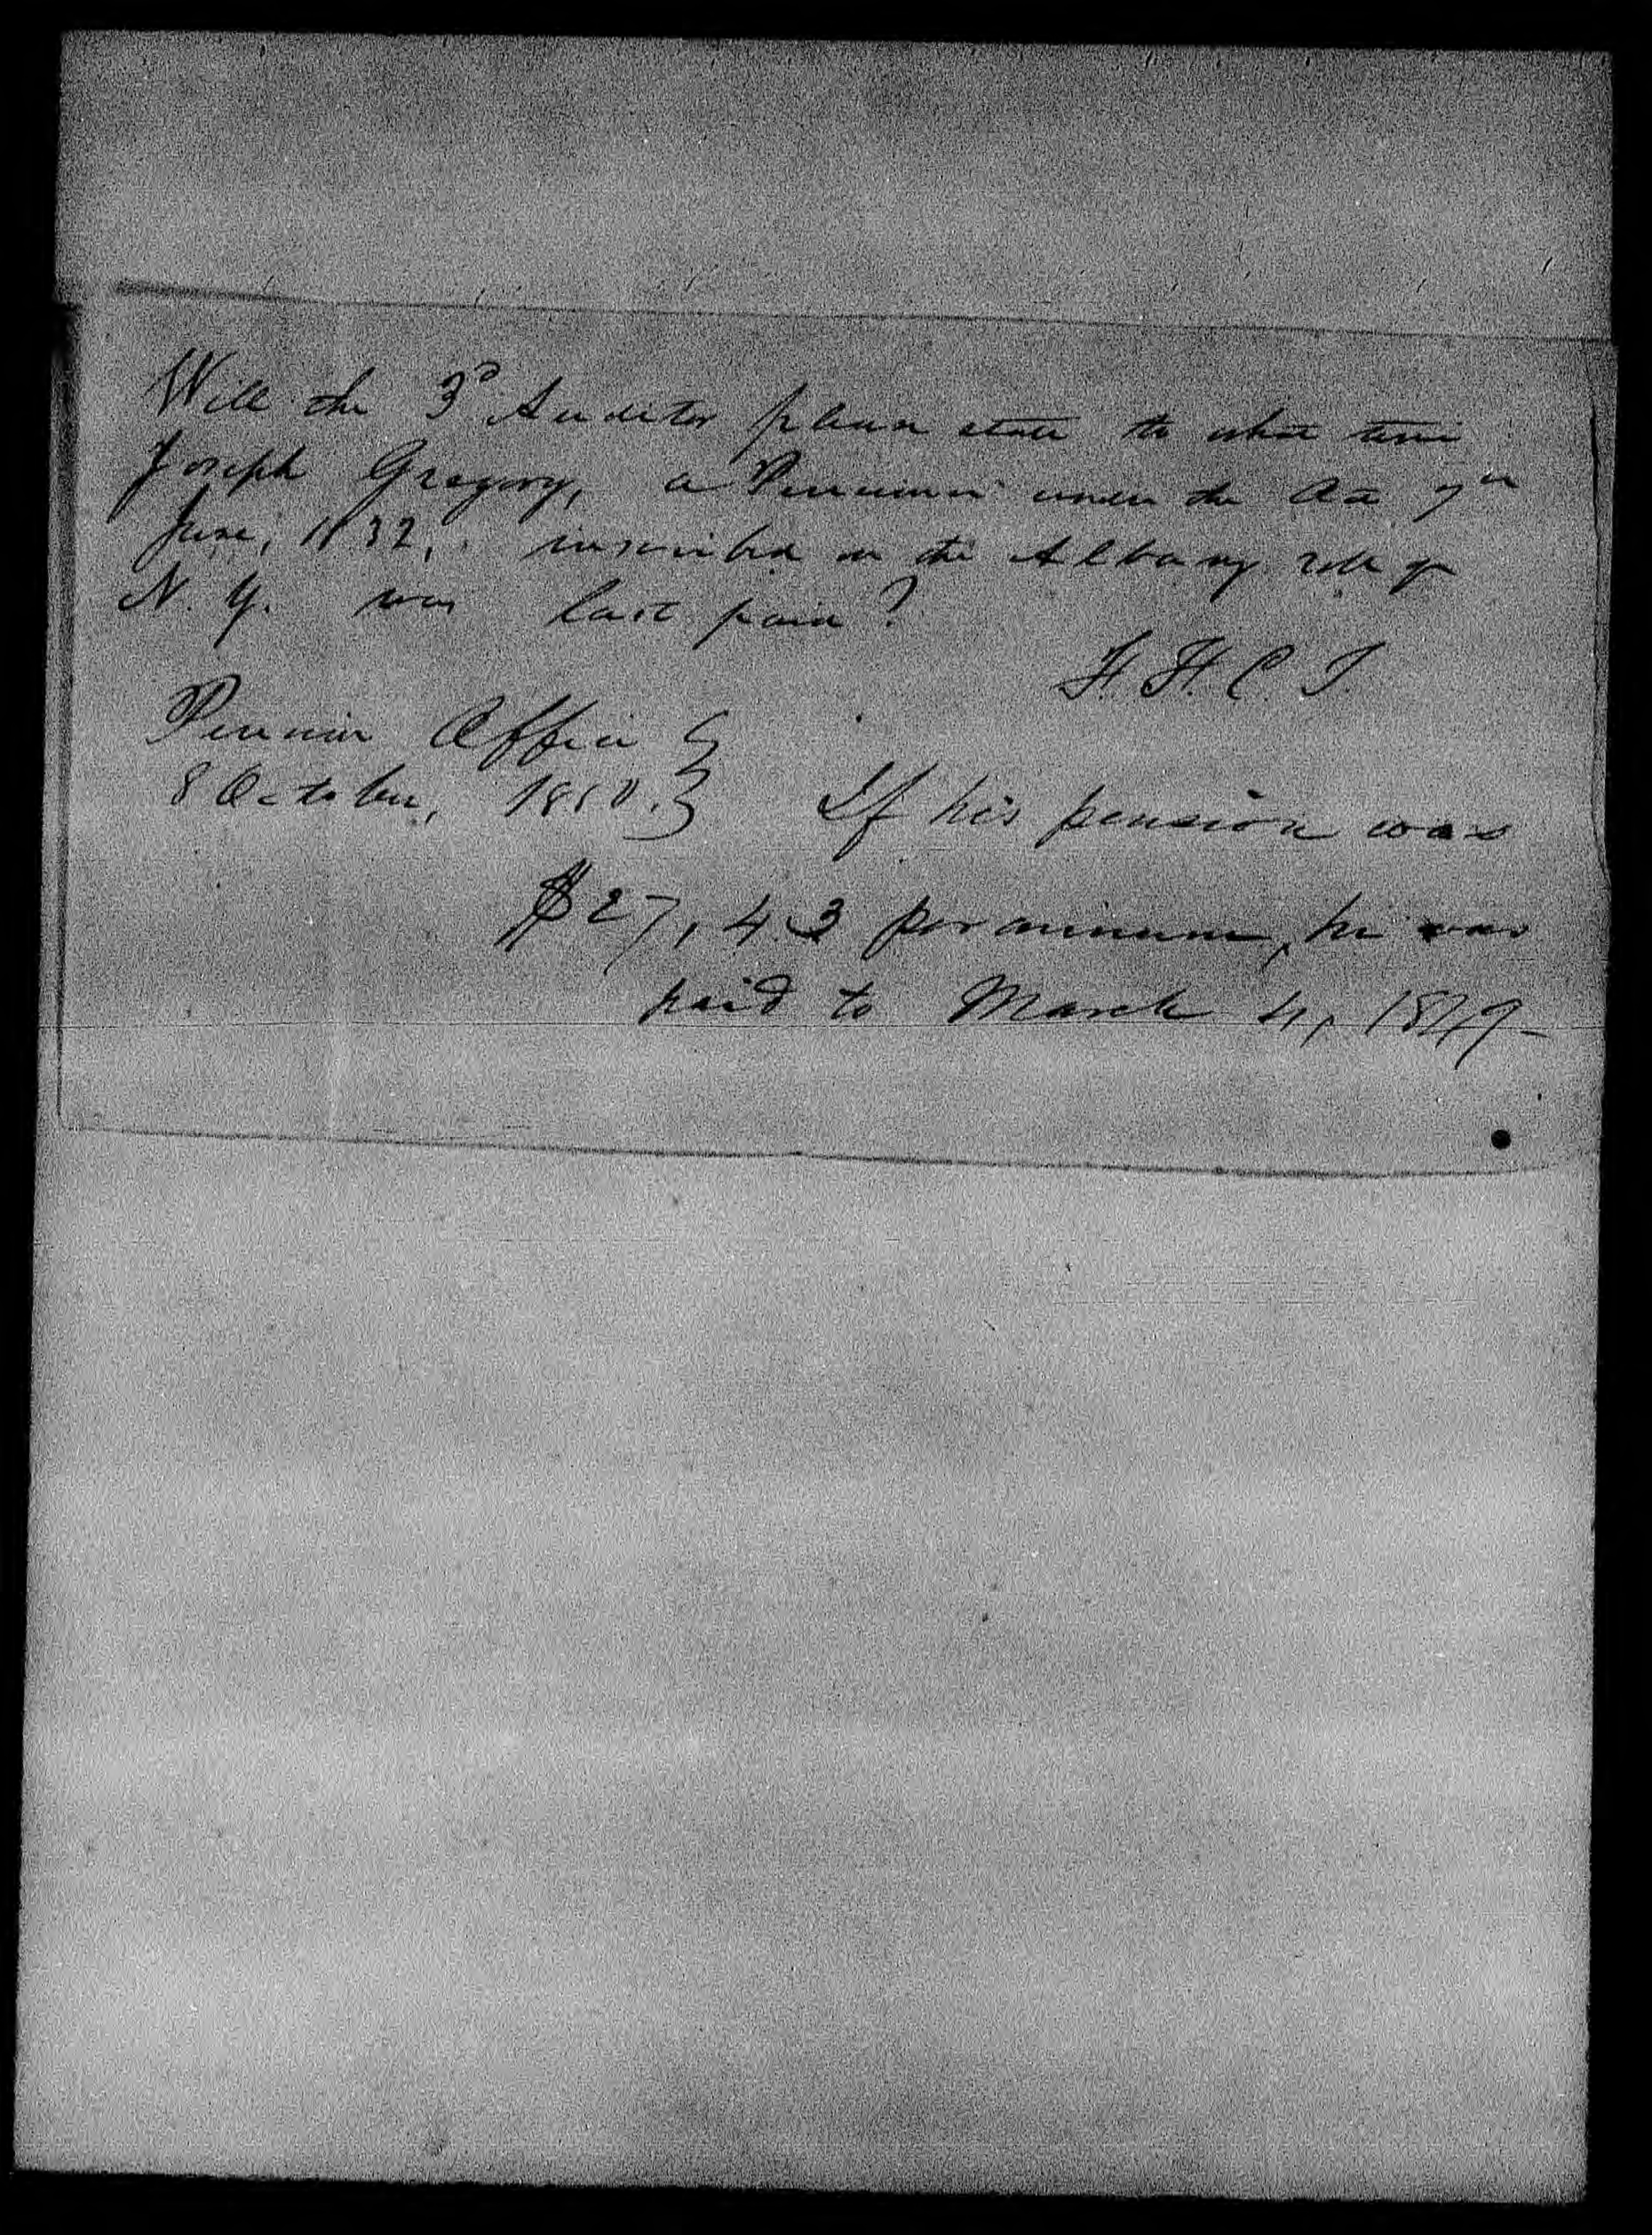Will the 3d Auditor please state to what time Joseph Gregory, a Pensioner under the Act of 7" June, 1832, inscribed on the Albany roll of N/Y. was last paid?   J. H. E. T.
Pension Office
8 October 1810}    If his pension was
                             $27,43  [sic] per annum, he was 
                              paid to March 4, 1847 -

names: Joseph Gregory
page: 20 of 34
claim: widow's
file: W. 1596, Joseph Gregory, Conn.